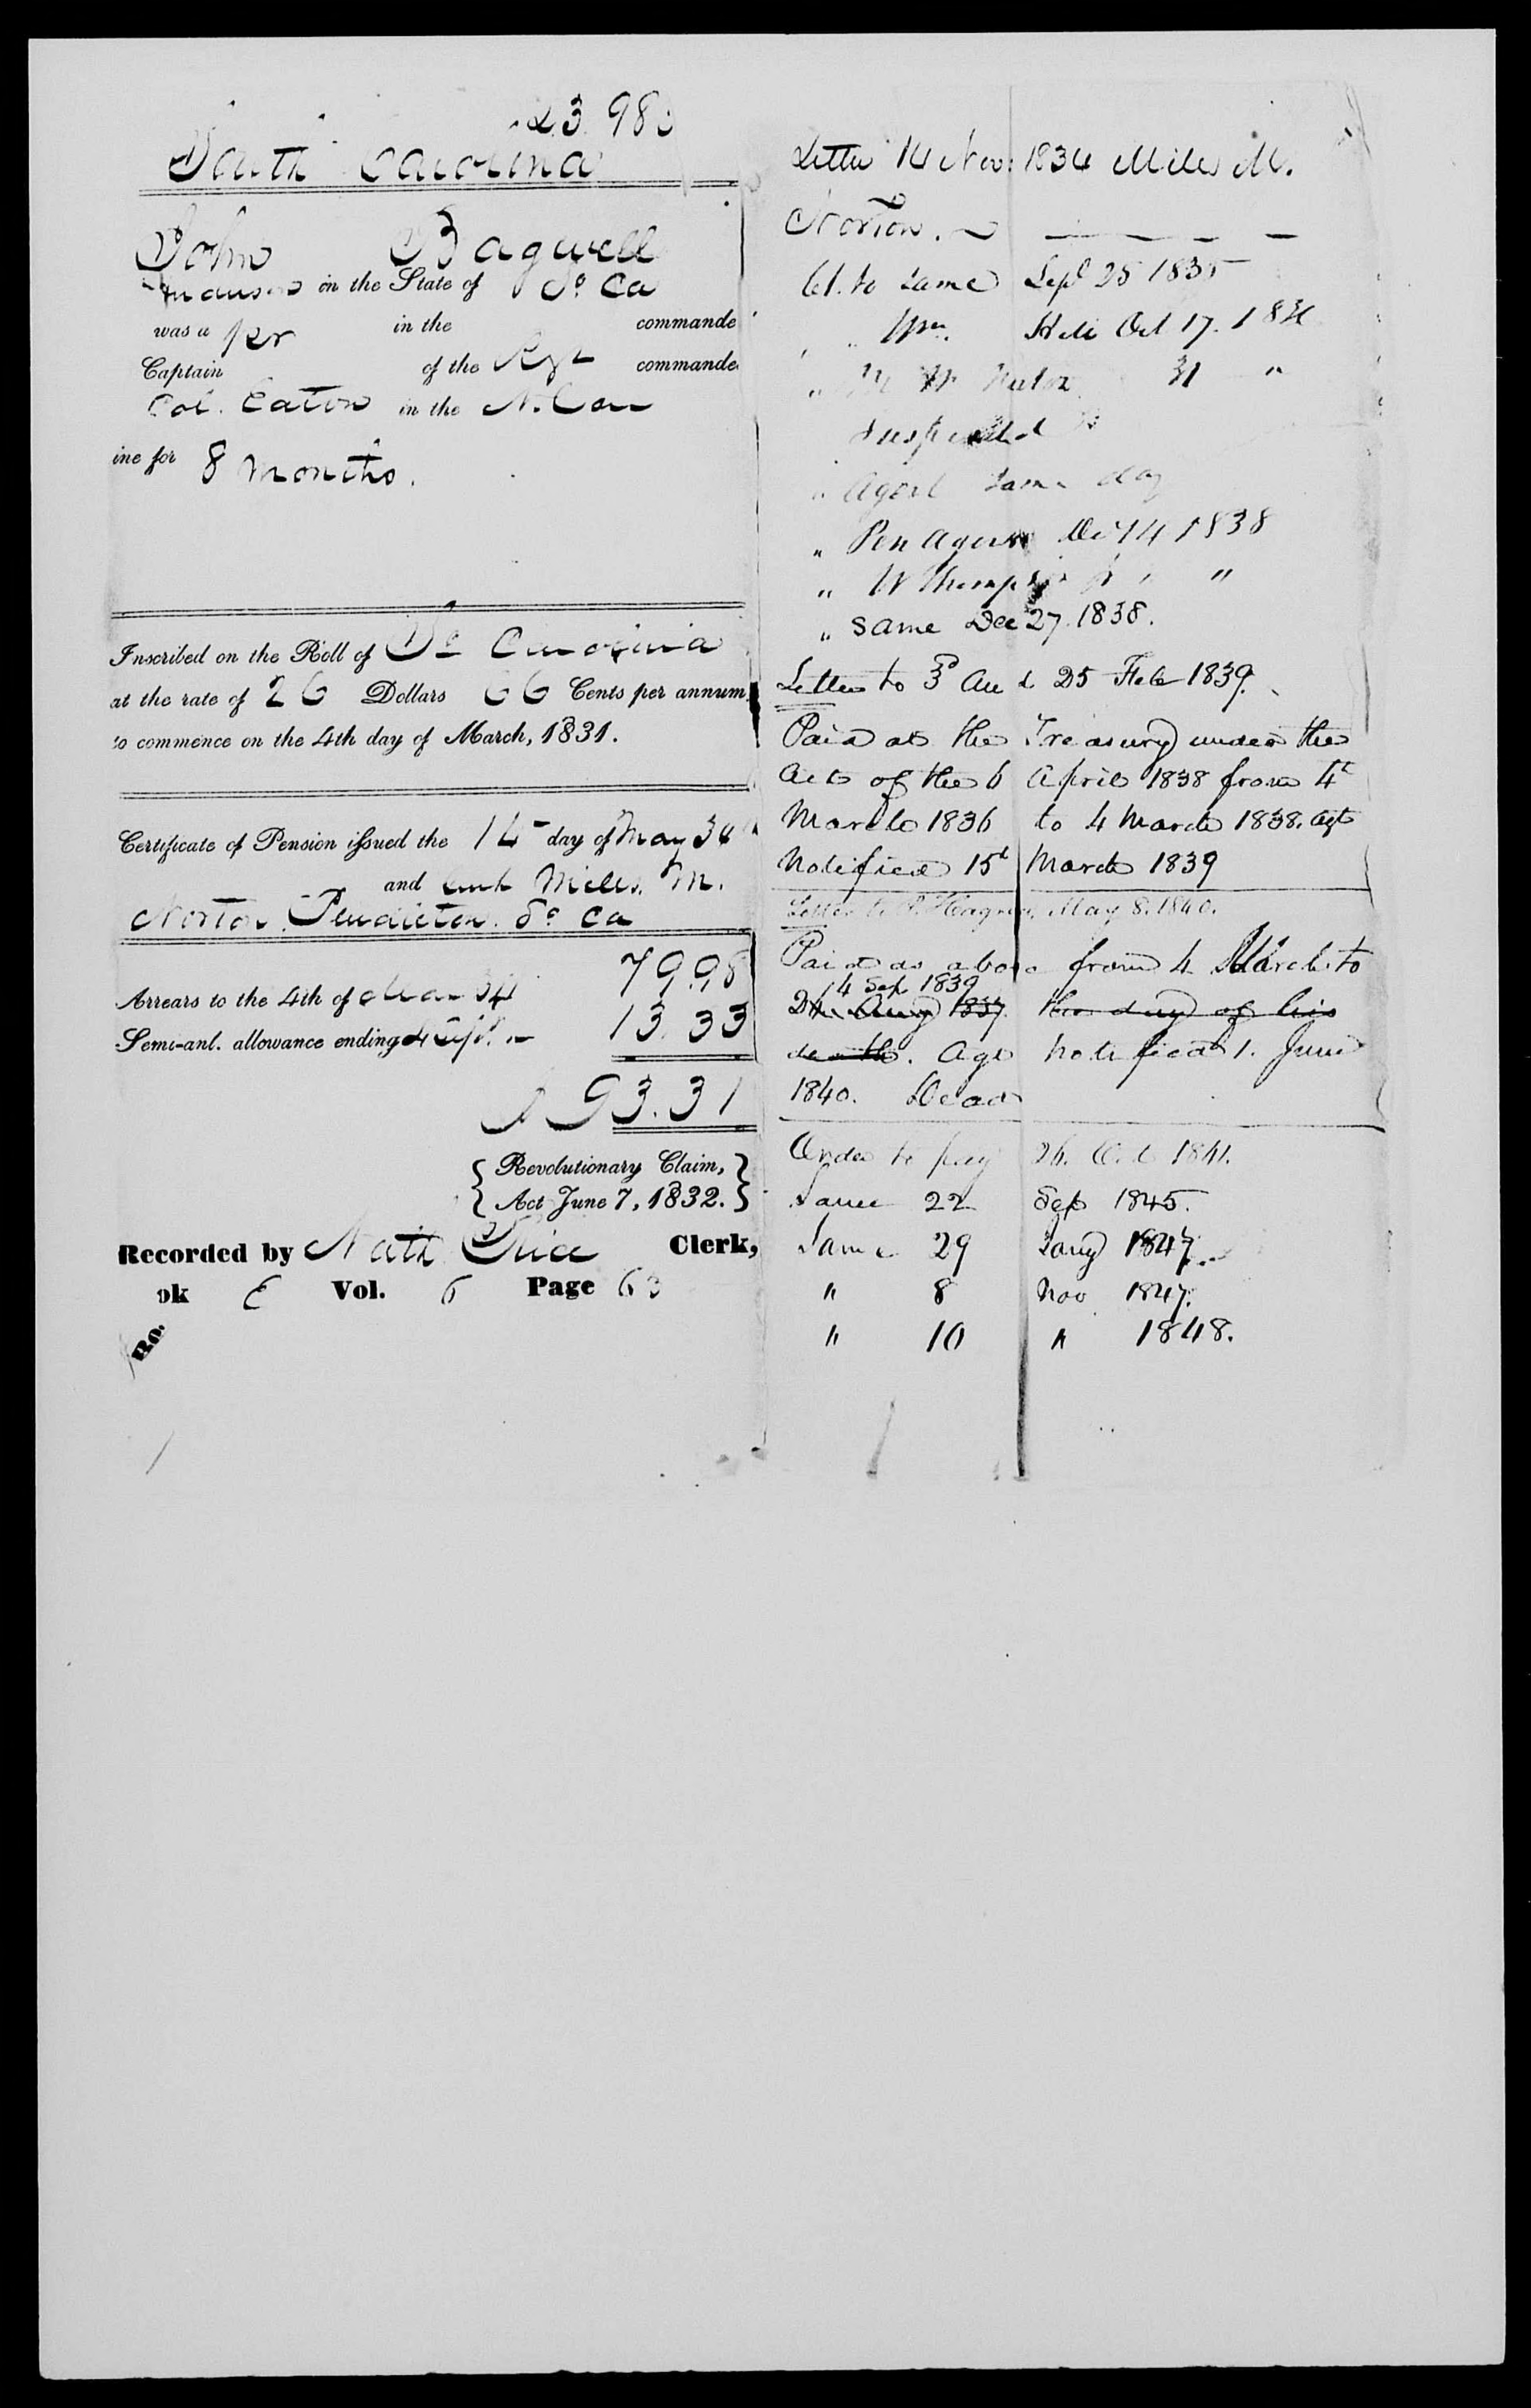South Carolina
[ ]
John
Bagwell
and in the State of So Ca
was a pr

in the
commande captain
of the Rgt commande
Col Caton in the N. Car
ine for 8 months
Inscribed on the Roll of So Carolina
at the rate of 26 Dollars 66 Cents per annum
to commence on the 4th day of March, 1831.
Certificate of Pension issued the 14 day of May 34
and at Miles M.
Norton [  ] S. Ca
Arrears to the 4th [  ]
19.98
Semi-anl. allowance ending 4 [  ]
13.33
-
193.31
⎨ Revolutionary Claim,
Act June 7, 1832.
Recorded by Nath Rice
Clerk,
ok
Vol. Page
63
Letter 14[  ]  1834 Miles M Norton

let to same
Sept 25 1835
Wm
Hill Oct 17. 1836
M Norton Oct 31 1836
[  ]
" Agent same day
" Pen Agent 2 Dec 14 1838
" W Thompson " "
same Dec 27. 1838.
Letter to 3rd [  ]  1839.
-
Paid at the Treasury under the
Act of the 6
April 1838 from 4th
March 1836 to 4 March 1938 [  ] notified 15th March 1839

Letter to [  ]  May 8, 1840
Paid as above from 4 March to 14 Sept 1839
ago notified 1 June 1840 dead


Order to pay [ ]Oct 1841
same 22 sept 1845
Same 29 [ ]1847
" 8 Nov 1847
" 10 Nov 1848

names: Wm Hill, Miles M Norton, Nath Rice, Miles M Norton, John Bagwell, Eaton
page: 2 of 36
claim: survivor's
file: S 6571, John Bagwell, N.C.